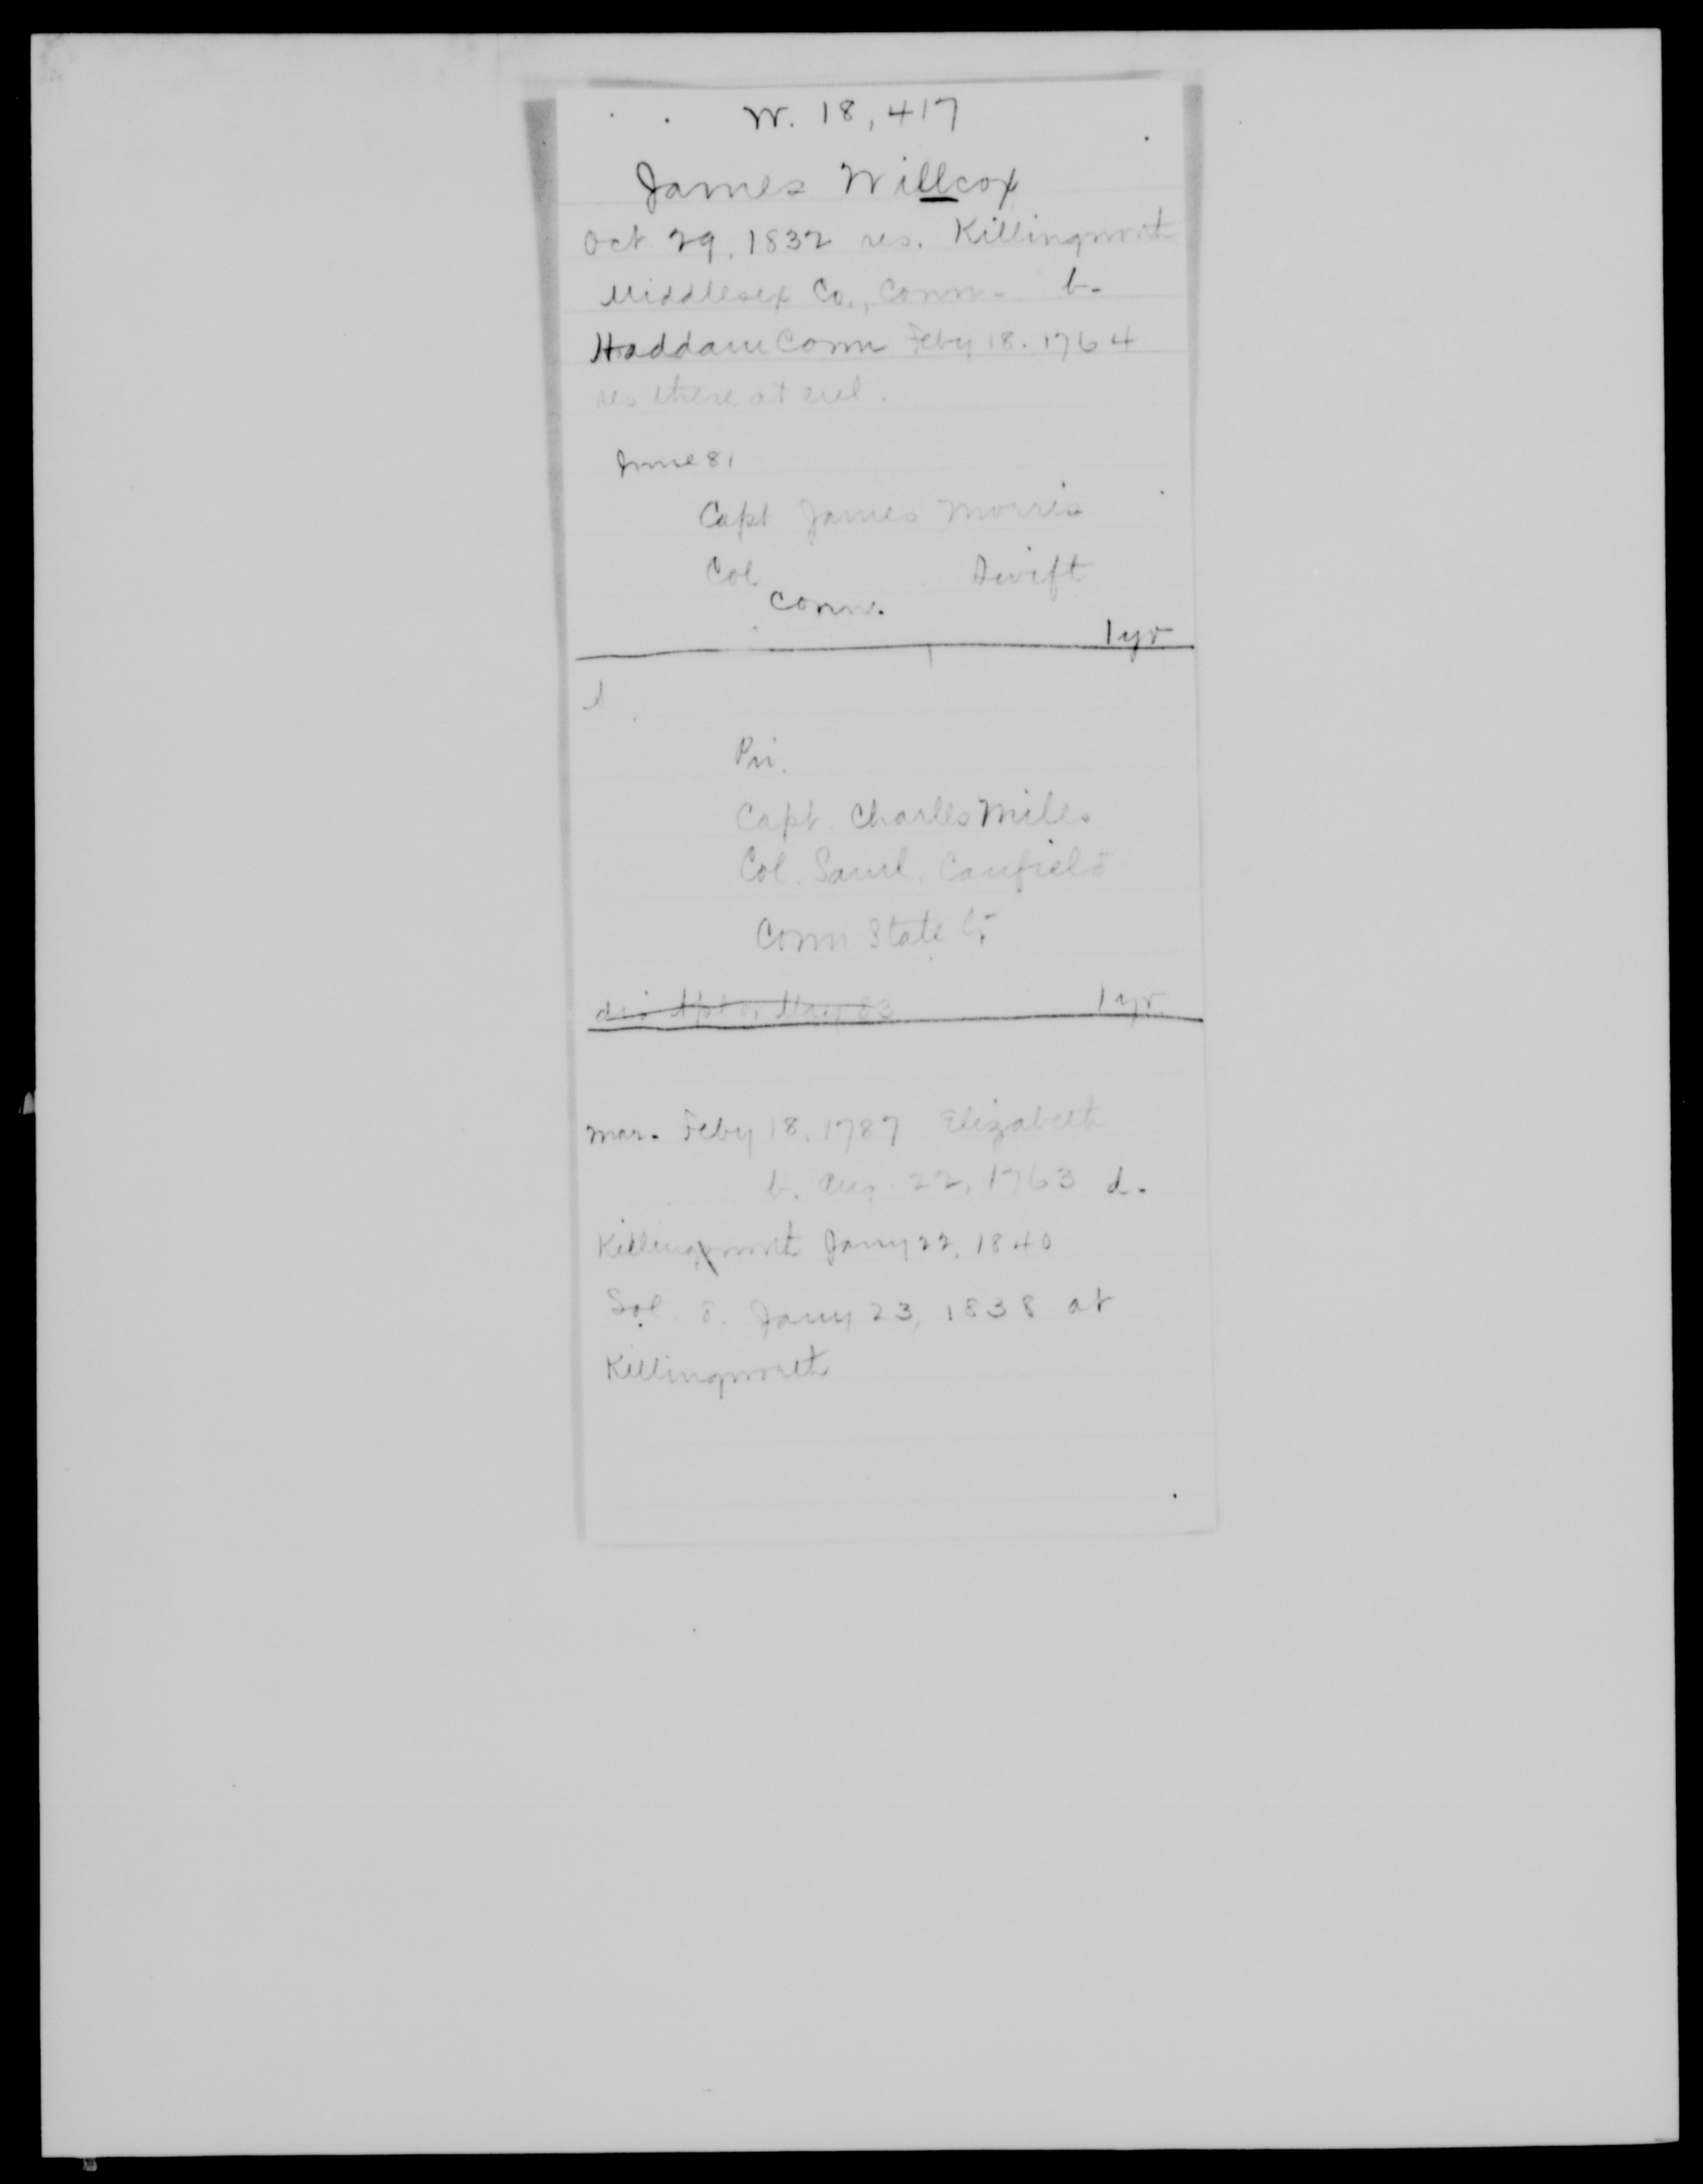W. 18,417
James Willcox
Oct 29 1832 res. Killingworth, Middlesex Co, Conn. b.
Haddam Conn Feby 18, 1764
Us there at evl.
June 81
Capt James Morris
Col Swift
Conn
1 yr
Pri.
Capt Charles Miles
Col Saml Canfield
Conn State Ct
1 yr
Mar Feby 18 1787 Elizabeth
B. Aug 22, 1763 d.
Killingworth Jany 22, 1840
Sol 8. Jany 23, 1838 at Killingworth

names: Charles Miles, James Willcox, James Morris, Saml Canfield, Elizabeth, Swift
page: 43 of 46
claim: widow's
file: W. 18,417, James Willcox, Conn.